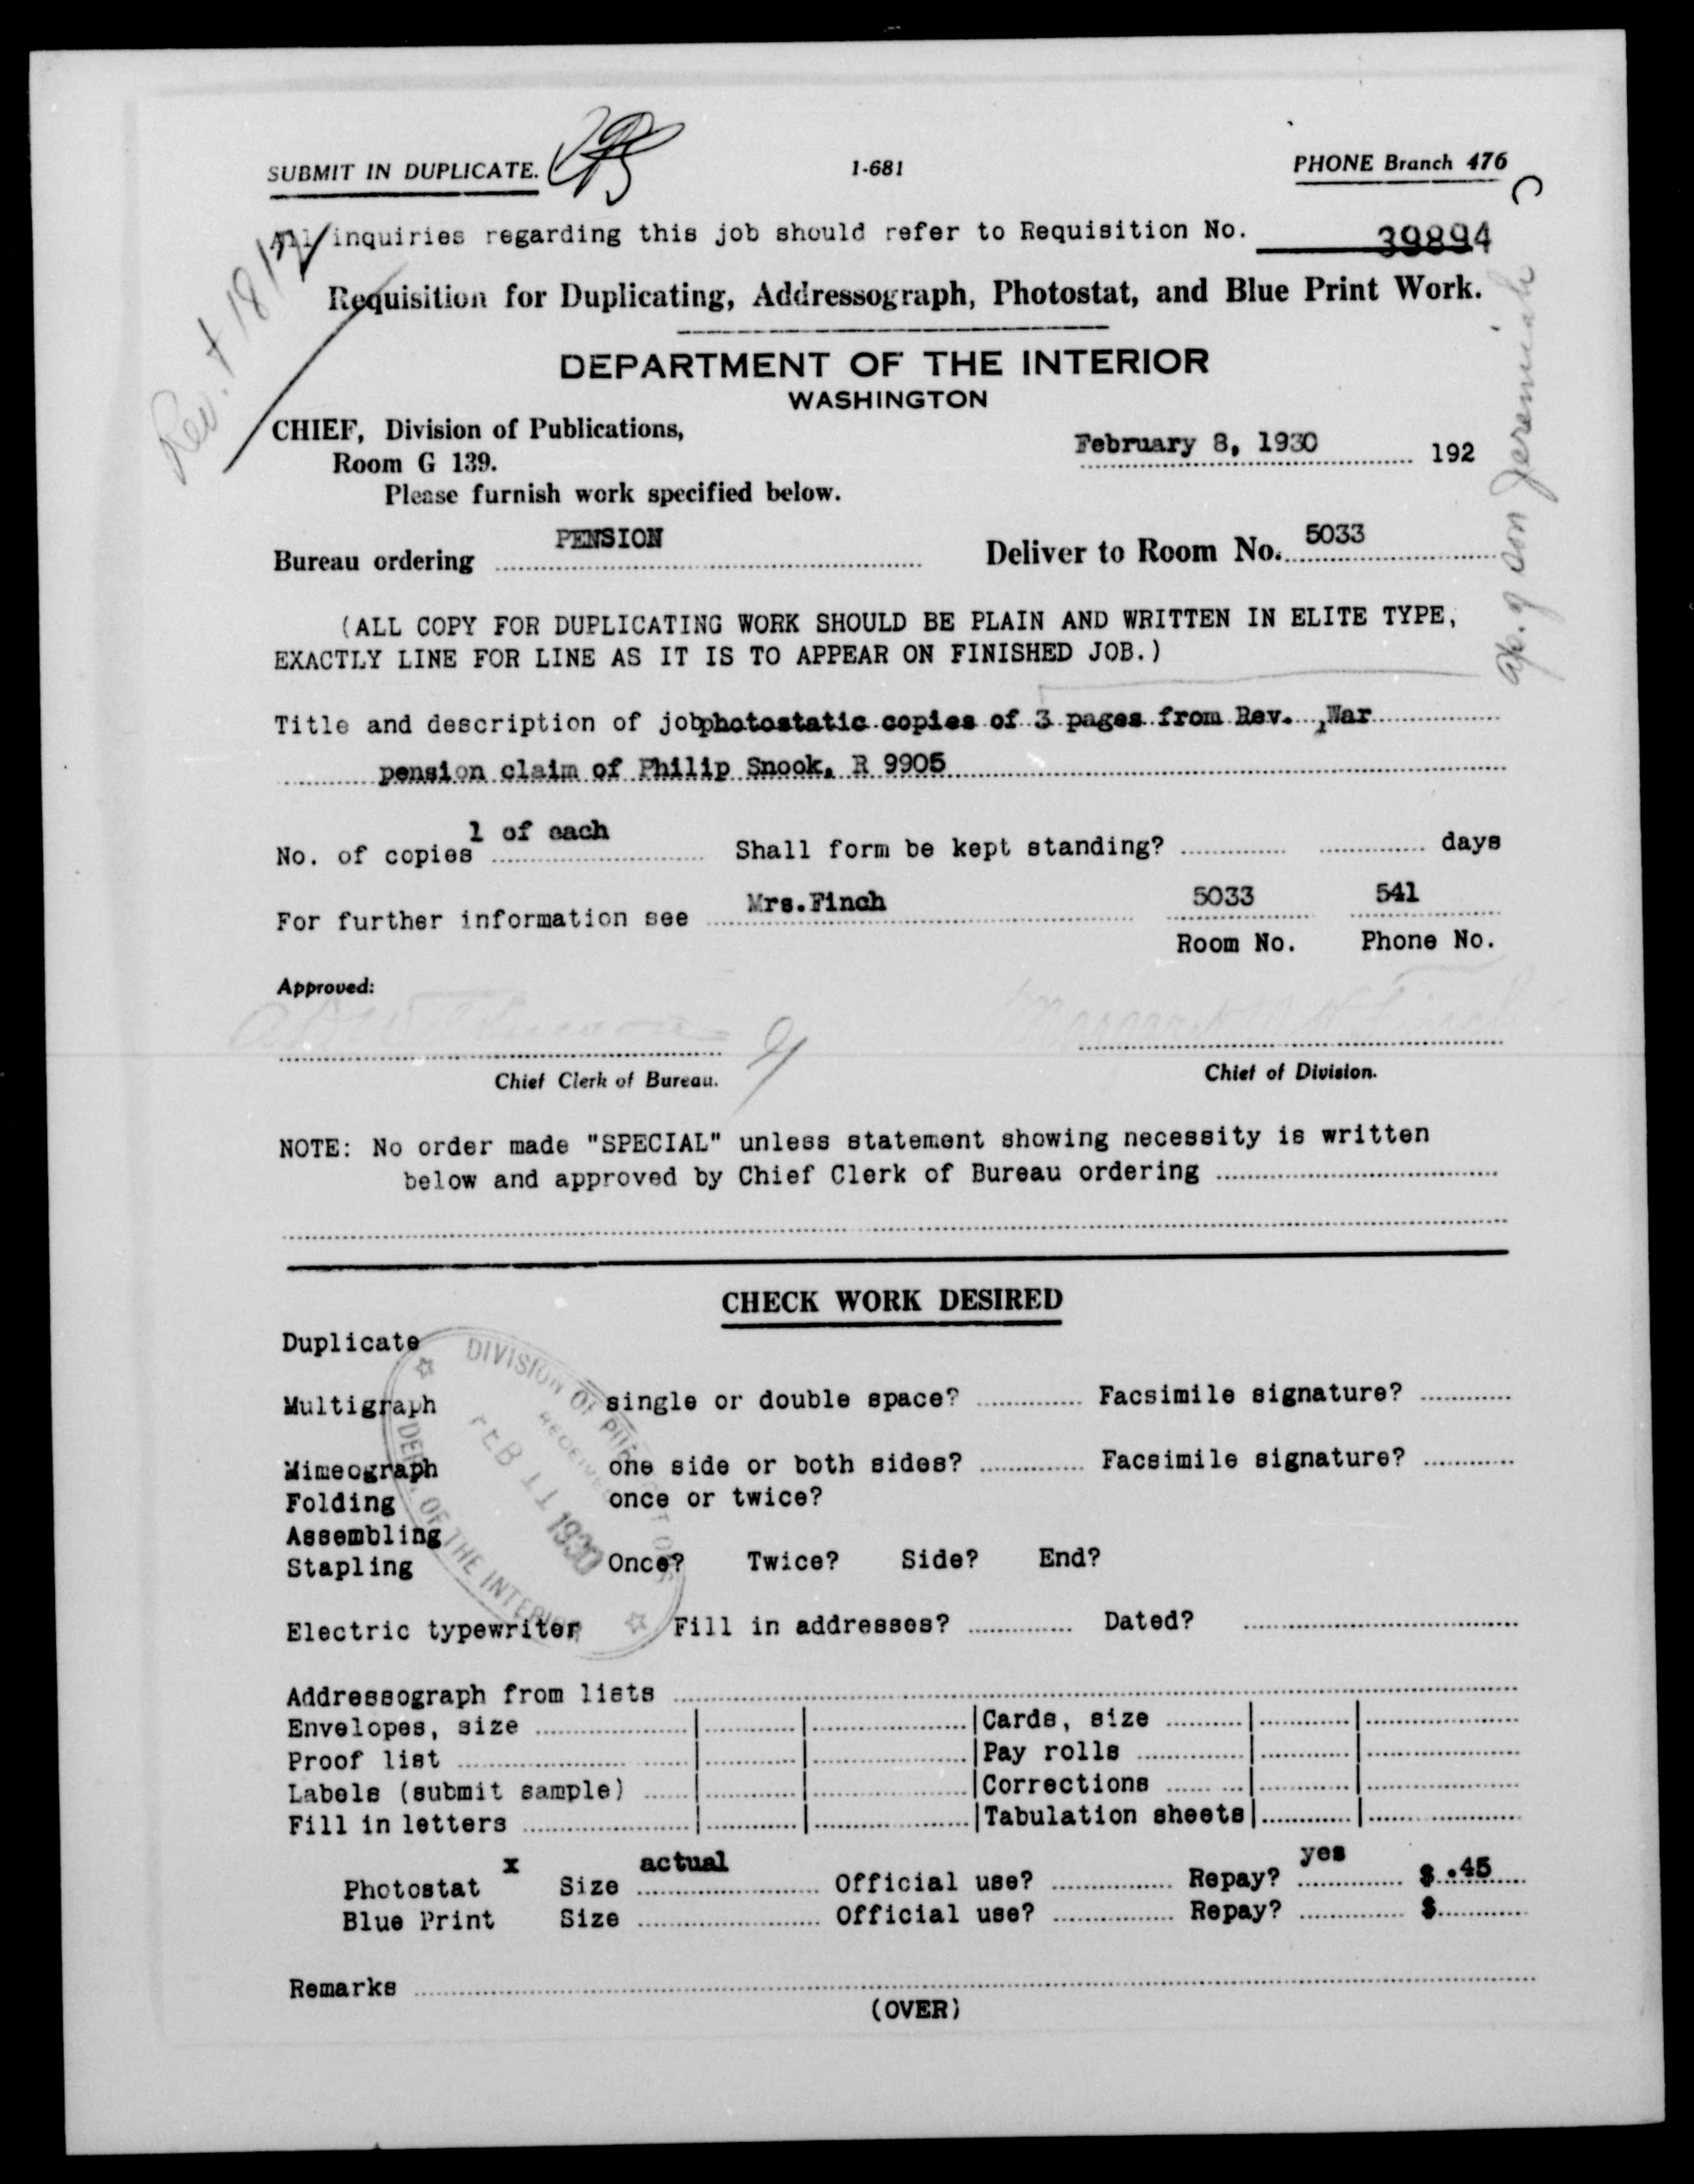SUBMIT IN DUPLICATE
1-681
PHONE Branch 476

All inquiries regarding this job should refer to Requisition No. 39894

Requisition for Duplicating, Addressograph, Photostat, and Blue Print Work.

DEPARTMENT OF THE INTERIOR
WASHINGTON

CHIEF, Division of Publications,

February 8, 1930   192
Room G 139
Please furnish work specified below.

Bureau ordering PENSION
Deliver to Room No.. 5033

(ALL COPY FOR DUPLICATING WORK SHOULD BE PLAIN AND WRITTEN IN ELITE TYPE, EXACTLY LINE FOR LINE AS IT IS TO APPEAR ON FINISHED JOB.)

Tile and description of job  photostatic copies of 3 pages from Rev. War pension claim of Philip Snook, R 9905
No. of copies  1 of each  Shall form be kept standing?  (blank)  (blank) days
For further information see Mrs. Finch  Room No. 5033 Phone No. 541

Approved
A D. Williamson, Chief clerk of Bureau

Margaret M. Finch, Chief of Division

NOTE:  No order made "SPECIAL" unless statement showing necessity is written below and approved by Chief Clerk of Bureau ordering

CHECK WORK DESIRED

Duplicate
Multigraph  Single or double space?  Facsimile signature?
Mimeograph  One side or both sides?  Facsimile signature:
Folding  Once or twice?
Assembling
Stapling  Once?  Twice? Side? End?
Electric typewriter  Fill in addresses?  Dated?

Addressograph from lists
Envelopes, size  Cards, size
Proog List  Pay rolls
Labels (submit sample)  Corrections
Fill in letters  Tabulation sheets
Actual
Photostat  Size  Official use?  Repay? yes $.45
Blue Print  Size  Official use?  Repay?  $

Remarks
 (OVER)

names: Margaret M Finch; [BLANK] Finch; A D Williamson; Philip Snook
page: 7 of 15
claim: rejected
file: R. 9,905, for Philip Snook, New Jersey